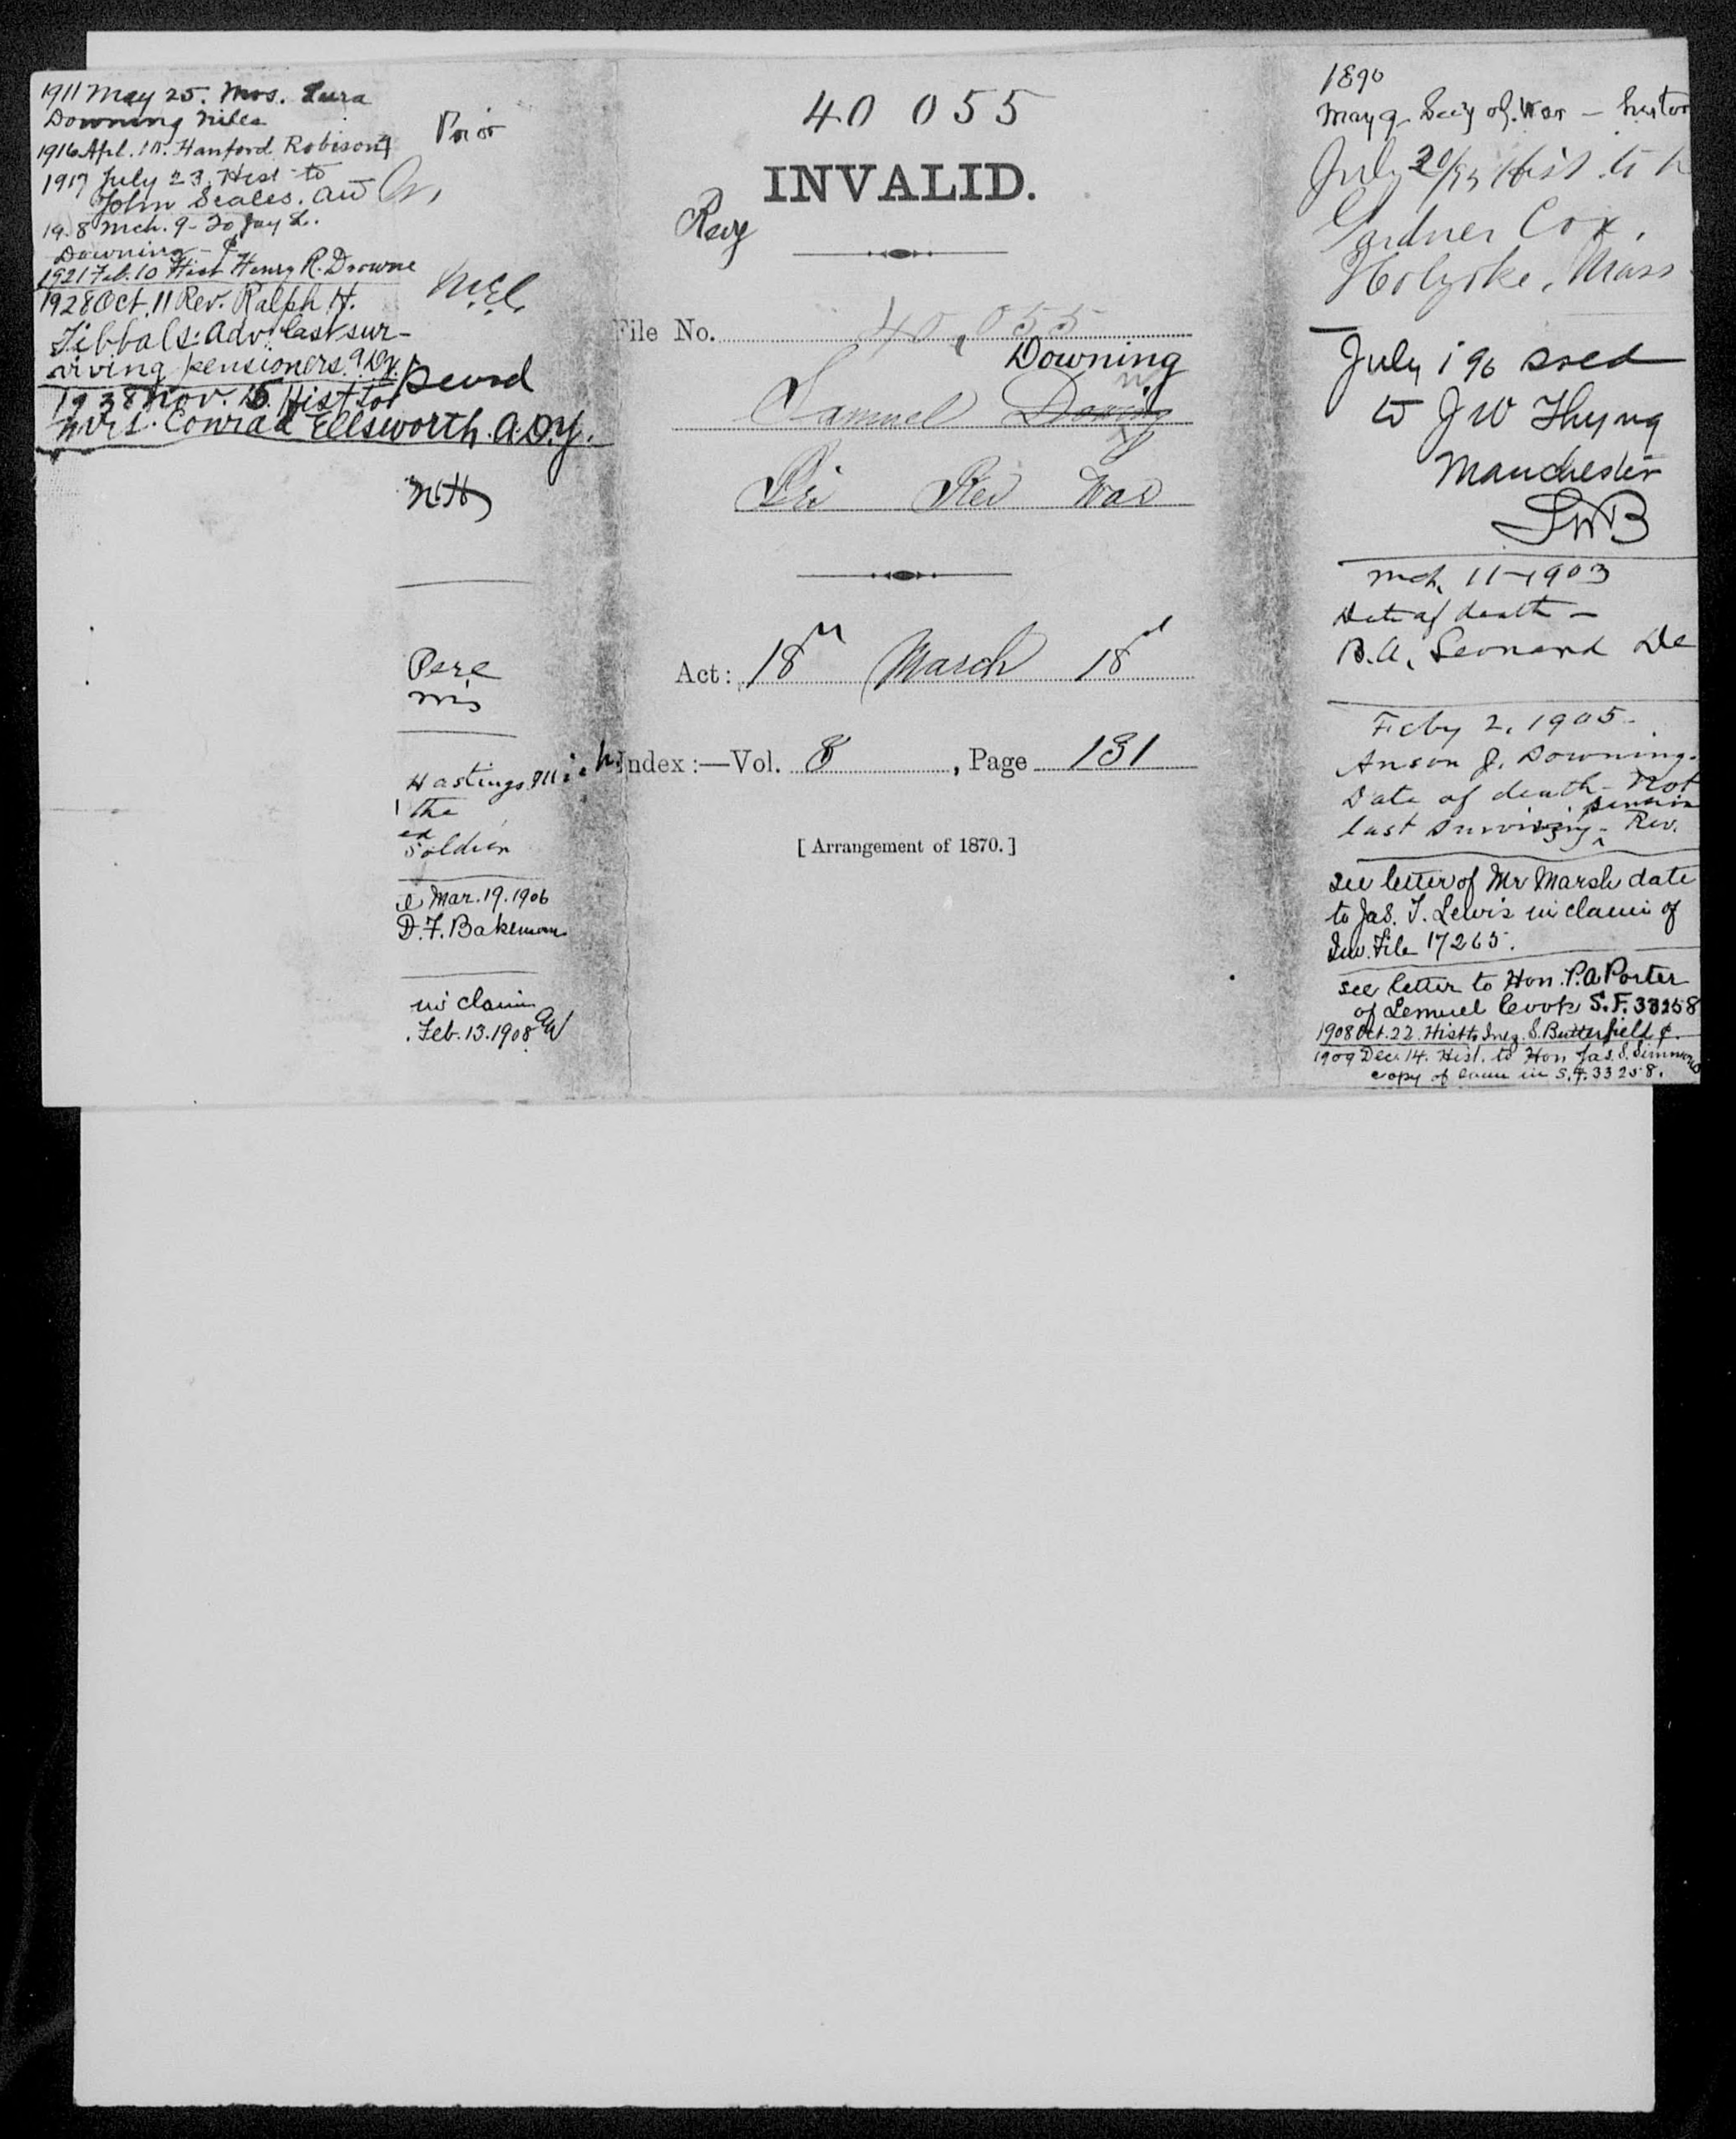[Handwritten text on left side]
1911 May 25 Mrs. Laura Downing Niles
1916 April.10 Hanford Robison
1917 July 23 History to John Seales. AW
1918 Mch. 9 - 20 Jay L. Downing 
1921 Feb.10 History Henry R. Drowne 
1928 Oct. 11 Rev. Ralph H.Tibbals adv last surviving pensioners D.Y.
1938 Nov. 15 History for Mrs. Conrad Ellsworth A.D.Y. 
NH
Pere 9illegible0
[remaining text illegible]
Mar. 19 1906
D. F. Bakeman
(?) claim 
Feb 13.1908 
AW

40055
INVALID
Revy
File No. 40055
Samuel (crossed out text)  Downing
Pri Rev War
Act: 18 March 18
Index: -Vol. 8, Page 131
[Arrangement of 1870]

[Handwritten text to right]
1890 May Secy of War - history
July20/93 Hist
Gardner Cox, Holyoke, Mass

July 1 96 sold to JW Thyng Manchester NH
LMB

Mch 11-1903 Date of death -
 B.A.Leonard De Pere

Feby 2, 1905
Anson J. Downing Hastings 
Date of death Not the last surviving pensioned Rev. Soldier

See letter of Mr Marsh dated Mar.19.1906
to Jas . T. Lewis in claim of D.F. Bakemon

See letter to Hon. P.A. Porter of Lemuel Cook S.F. 38258 his claim 1908 Oct.ss. Hist to Ineq. S. Butterfield Feb.13.1908 AW
1909 Dec.14. Hist. to Hon Jas. S. Simmons copy  of same in S. 7.33258.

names: Jay L Downing, Anson J Downing, Gardner Cox, P A Porter, B A Leonard, Lura Downing, Jas T Lewis, Inez S Butler, Samuel Downing, Lemuel Cook, John Seales, Hanford Robison, Henry R Drowne, Jas S Simmons, J W Thyng, Conrad Ellsworth, Hastings, Marsh, D F Bakeman, Ralph H Tibbals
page: 18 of 56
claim: survivor's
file: S. 40,055, Samuel Downing, N.H.